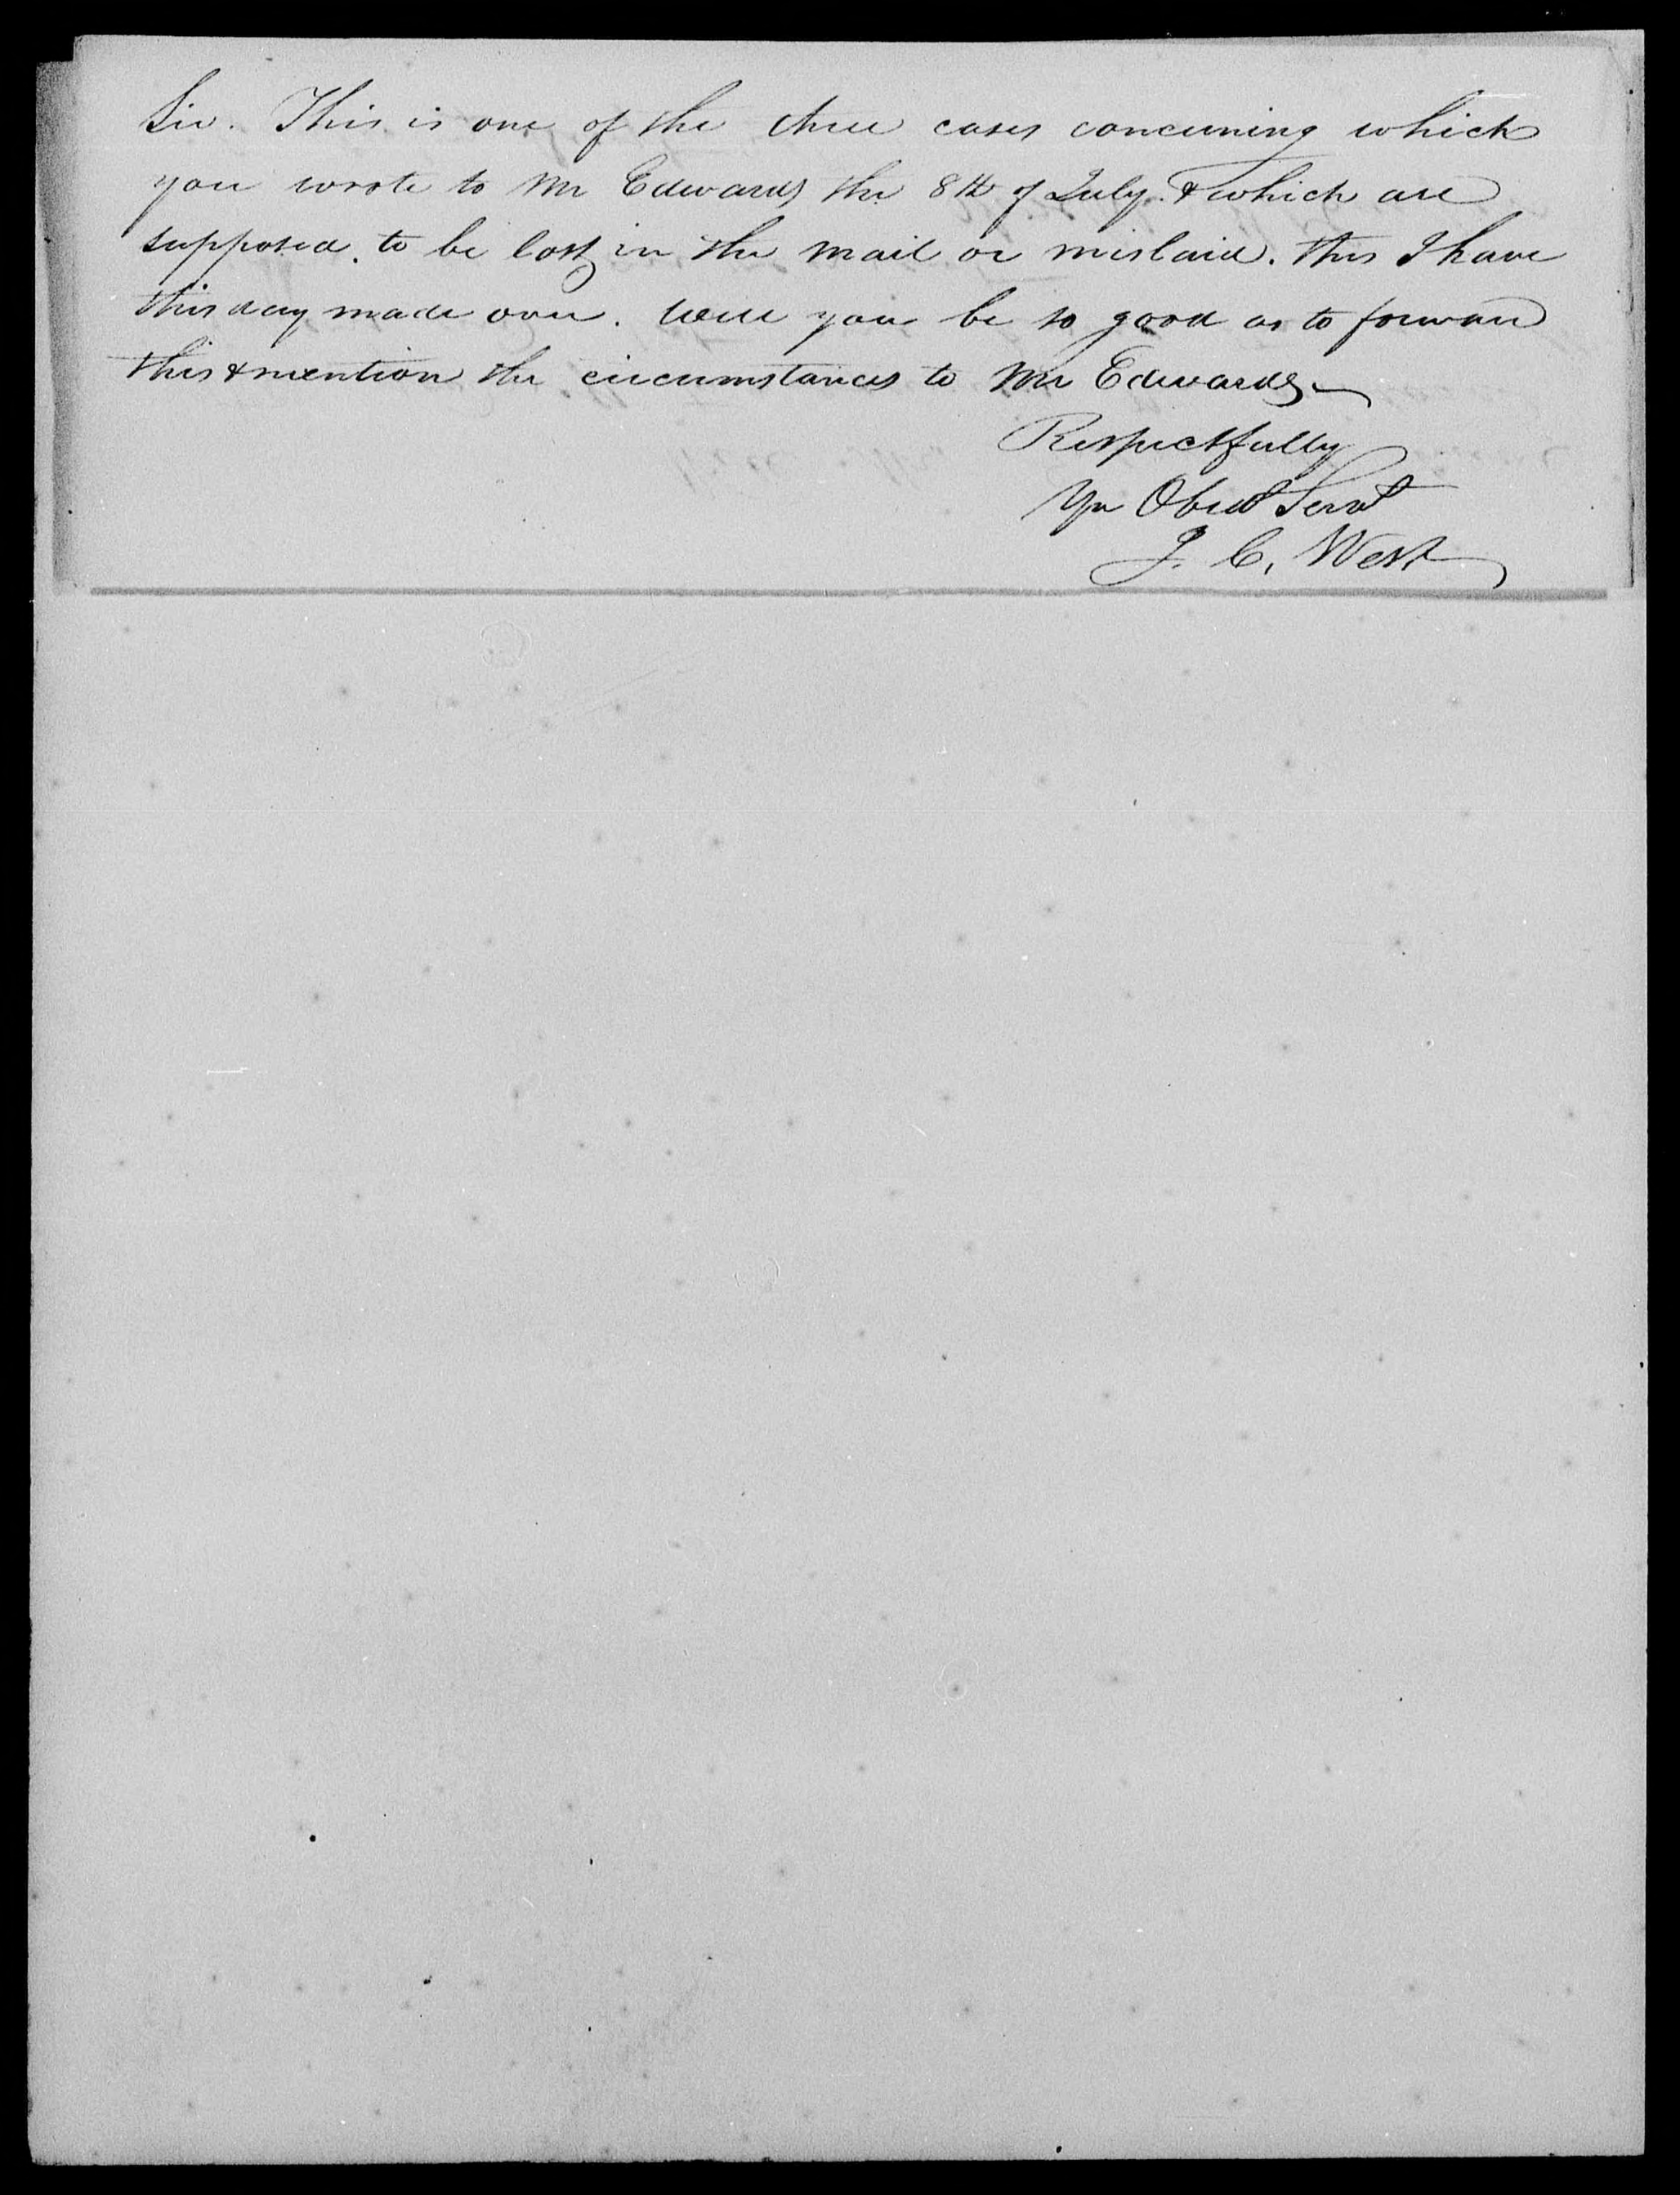Sir, This is one of the three cases concerning which you wrote to Mr Edwards the 8th of July & which are supposed to be lost in the mail or mislaid. This I have this day made over. Will you be so good as to forward this & mention the circumstances to Mr Edwards-
Respectfully
Your Obed[ien]t Serv[an]t
J. C. West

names: J C West, Edwards, Edwards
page: 22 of 57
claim: widow's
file: W. 23217, Thomas Haines, N H